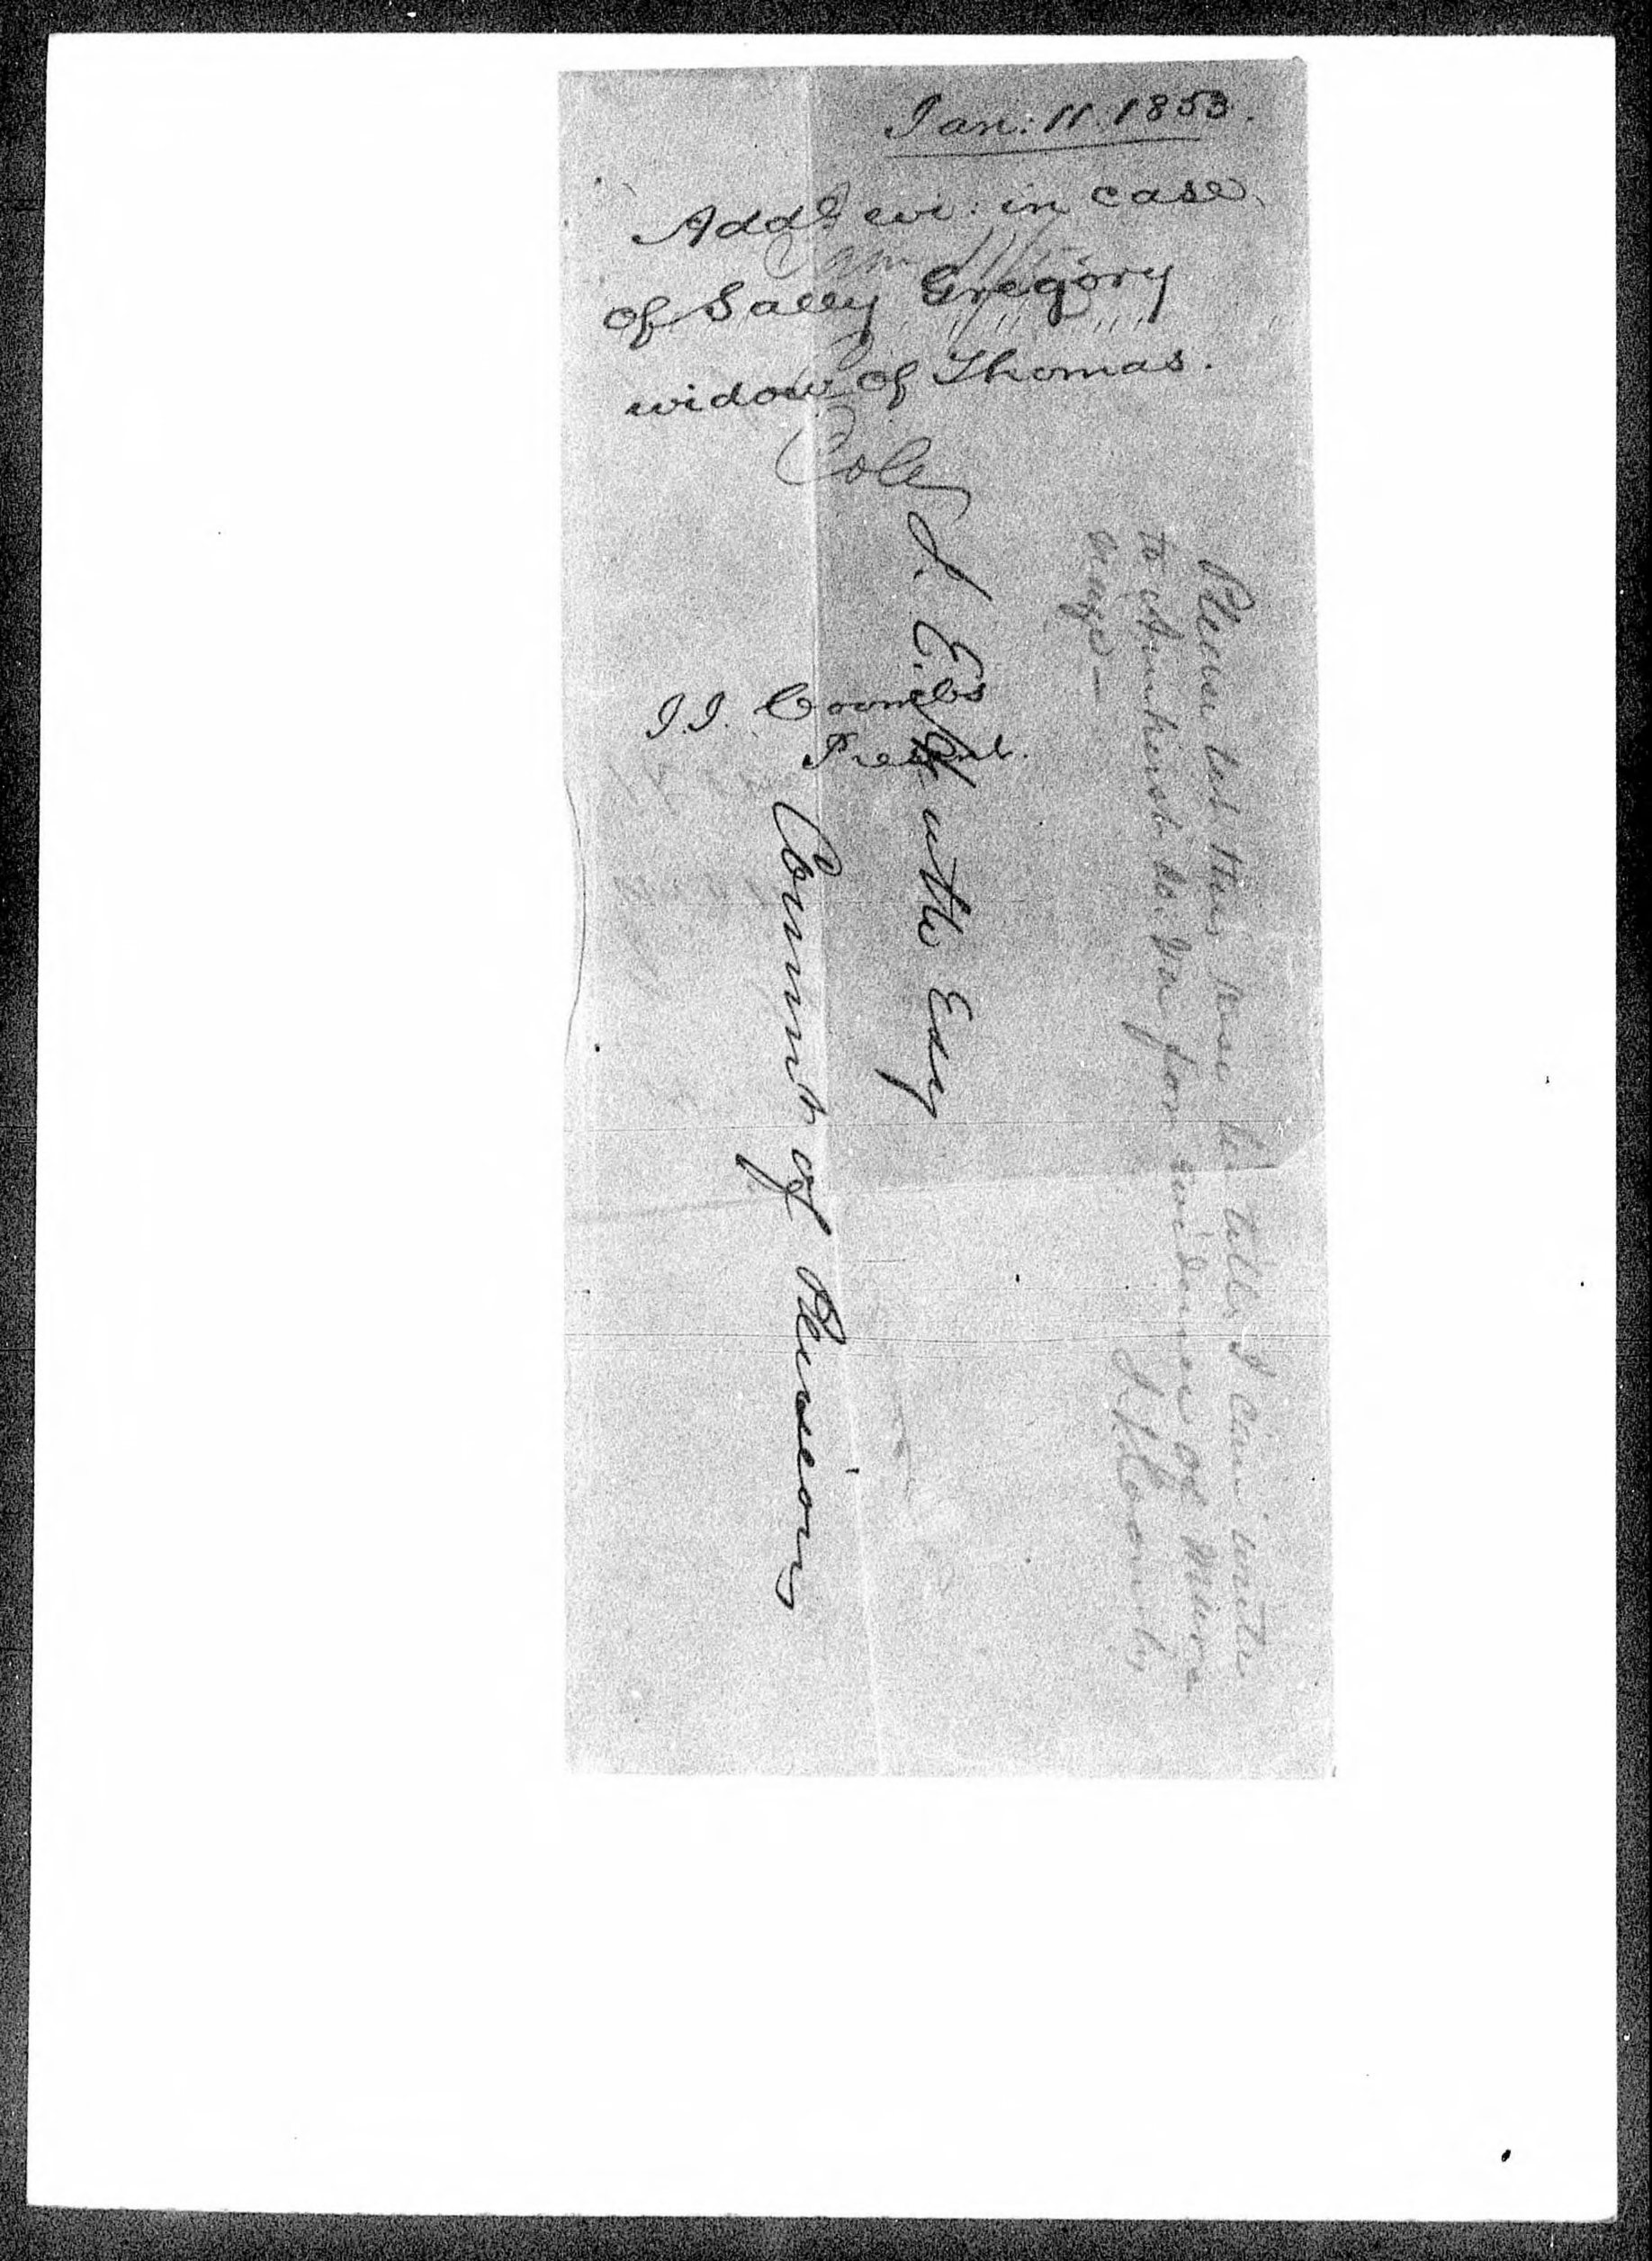Jan. 11. 1853
Add'l. evi. in case
of Sally Gregory widow of Thomas.
[interlineated with above:
Jan 11/53
C
Cole]

[vertically]

Please let this case be till I can write
to Amherst Co. Va for evidence of marriage.
J. J. Coombs

j. E. Heath Esq.
Comm'r of Pensions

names: Cole, J J Coombs, Sally Gregory, J J Coombs, Thomas Gregory, J E Heath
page: 31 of 75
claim: widow's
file: W. 8876, Thomas Gregory, Continental Va